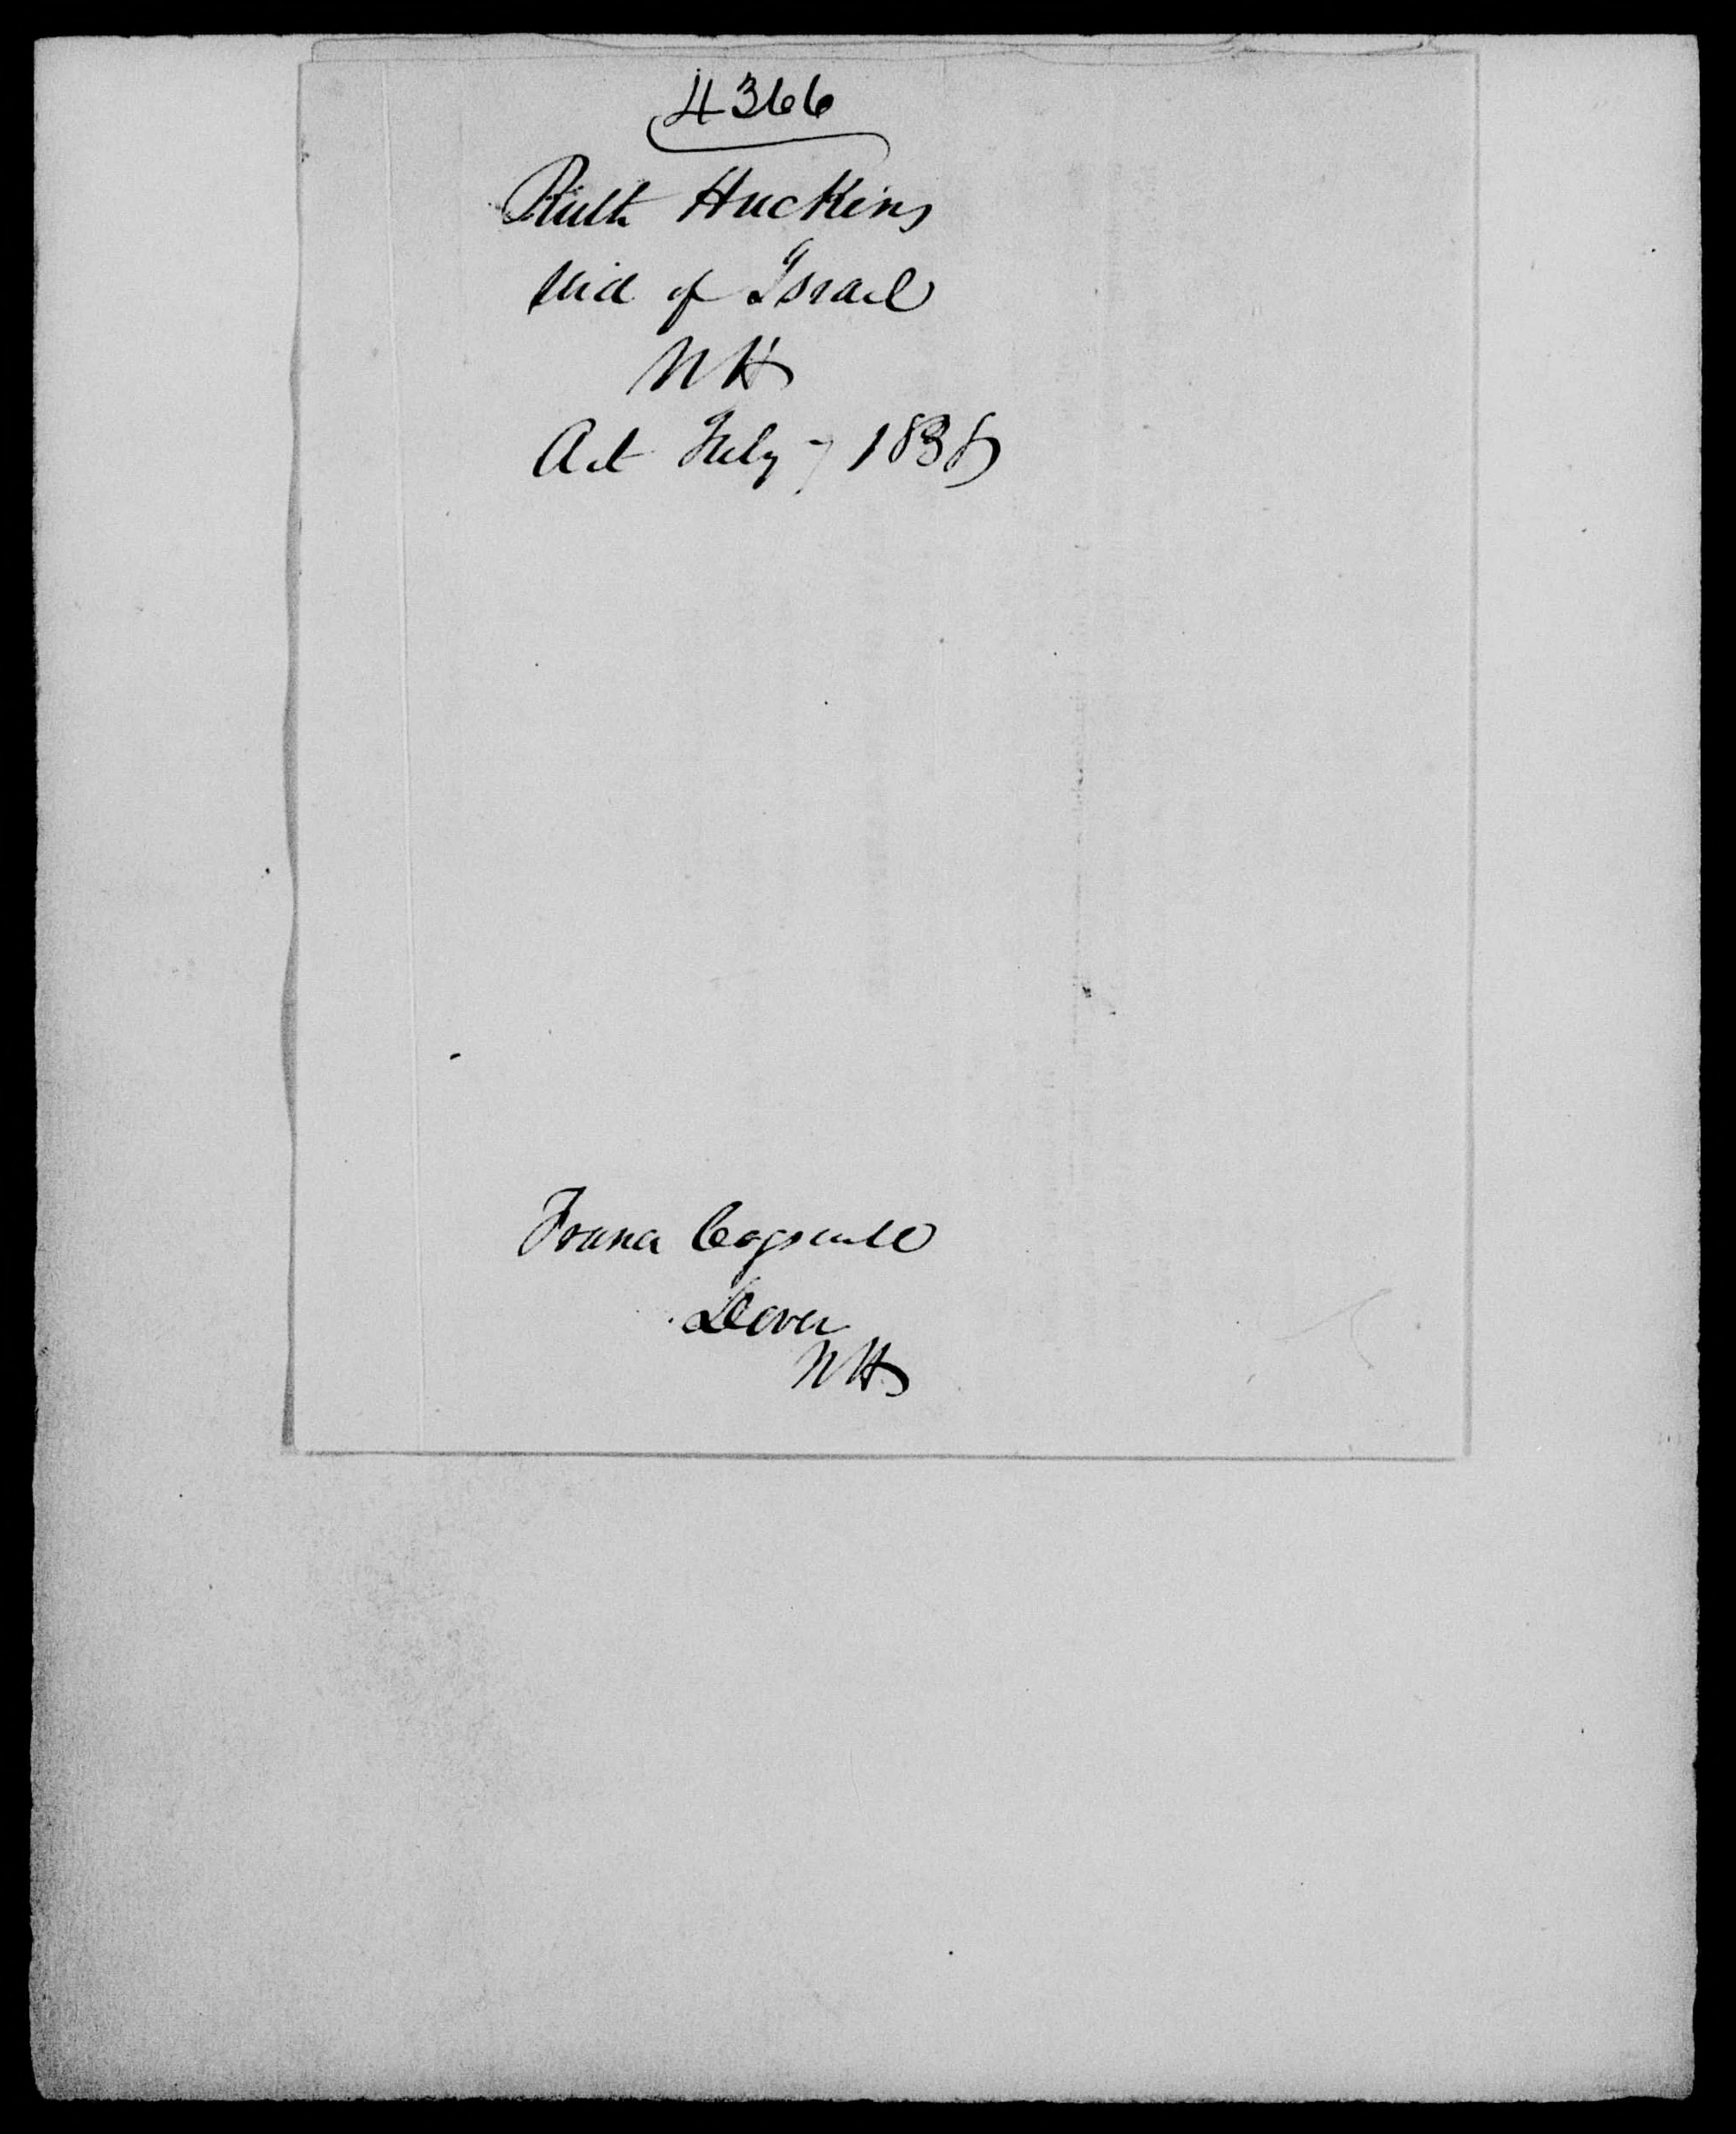H366 Ruth Huckins Wid. of Issac NK Act July 7, 1838

Francis Cogswell Clerk NH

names: Ruth Huckins, France Cogswell, Israel Huckins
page: 5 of 35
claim: widow's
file: W. 16127, Israel Huckins, N.H.